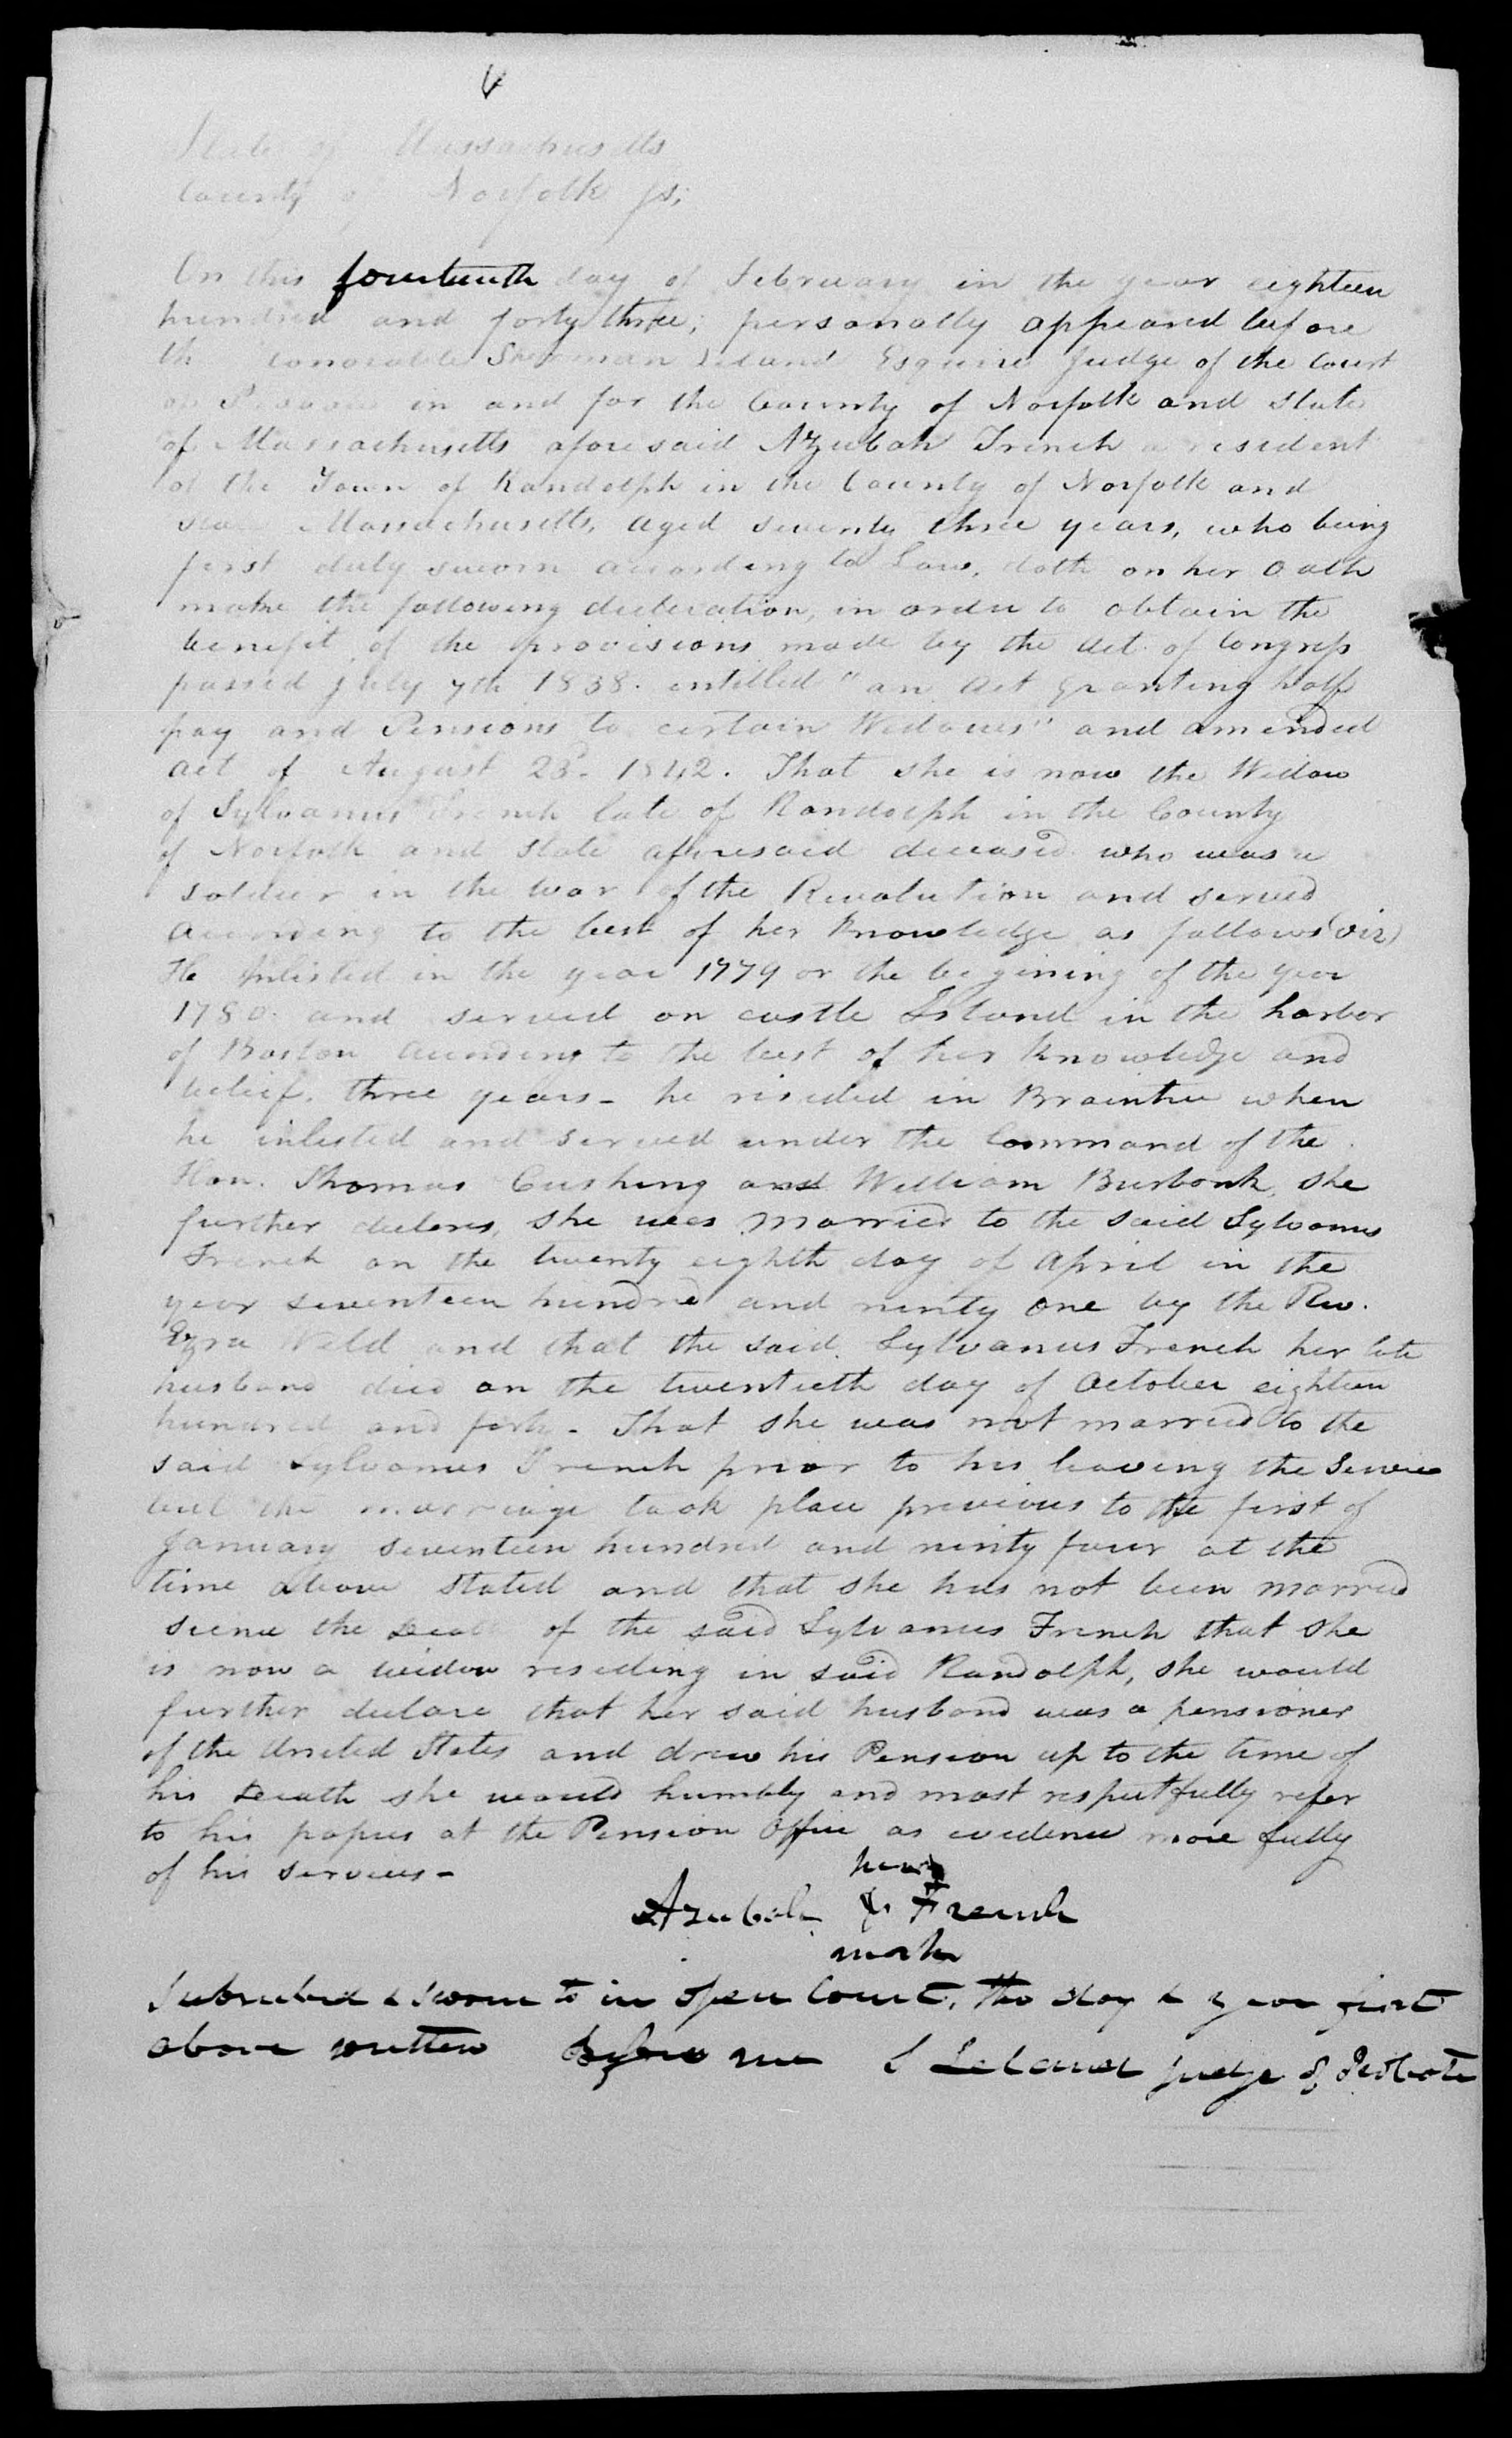State of Massachusetts 
County of Norfolk ss; 

On this fourteenth day of February in the year eighteen hundred and forty three, personally appeared before the Honorable Sherman Leland Esquire Judge of the Court of Seven in and for the County of Norfolk and State of Massachusetts aforesaid Azubah French a resident of the Town of Randolph in the County of Norfolk and state of Massachusetts, aged seventy three years, who being first duly sworn according to Law, doth on her oath make the following declaration, in order to obtain the benefit of the provisions made by the act of Congress passed July 7th 1838 entitled an act granting half pay and Pensions to certain Widows"" and amended act of August 23. 1842. 

That she is now the Widow of Sylvanus French late of Randolph in the County of Norfolk and State aforesaid deceased who was a soldier in the war of the Revolution and served according to the best of her knowledge as follows viz, 

He enlisted in the year 1779 or the begining of the year 1780 and served on castle Island in the harbor of Boston according to the best of her knowledge and belief, three years - he resided in Braintree when he enlisted and served under the command of the Hon. Thomas Cushing and William Burbank, she further declares she was married to the said Sylvanus French on the twenty eighth day of April in the year seventeen hundred and ninty one by the Rev Ezra Weld and that the said Sylvanus French her late husband died on the twentieth day of October eighteen hundred and forty. That she was not married to the said Sylvanus French prior to his leaving the service but the marriage took place previous to the first of January Seventeen hundred and ninety four at the time above stated and that she has not been married the death of the said Sylvanus French that she is now a widow residing in said Randolph, she would further declare that her said husband was a pensioner of the United States and drew his pension up to the time of his death she would humbly and most respectfully refer to his papers at the Pension Office as evidence more fully of his services
Azubah her X mark French 

Subscribed & sworn to in open Court, the day & year above written before me 

S Leland Judge of Probate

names: Azubah French, William Burbank, Sylvanus French, Sylvanus French, Ezra Wold, S Leland, Azubah French, Sylvanus French, Sherman Leland, Thomas Cushing, Sylvanus French, Sylvanus French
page: 15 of 38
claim: widow's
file: W. 24,235, Silvanus French, Mass.